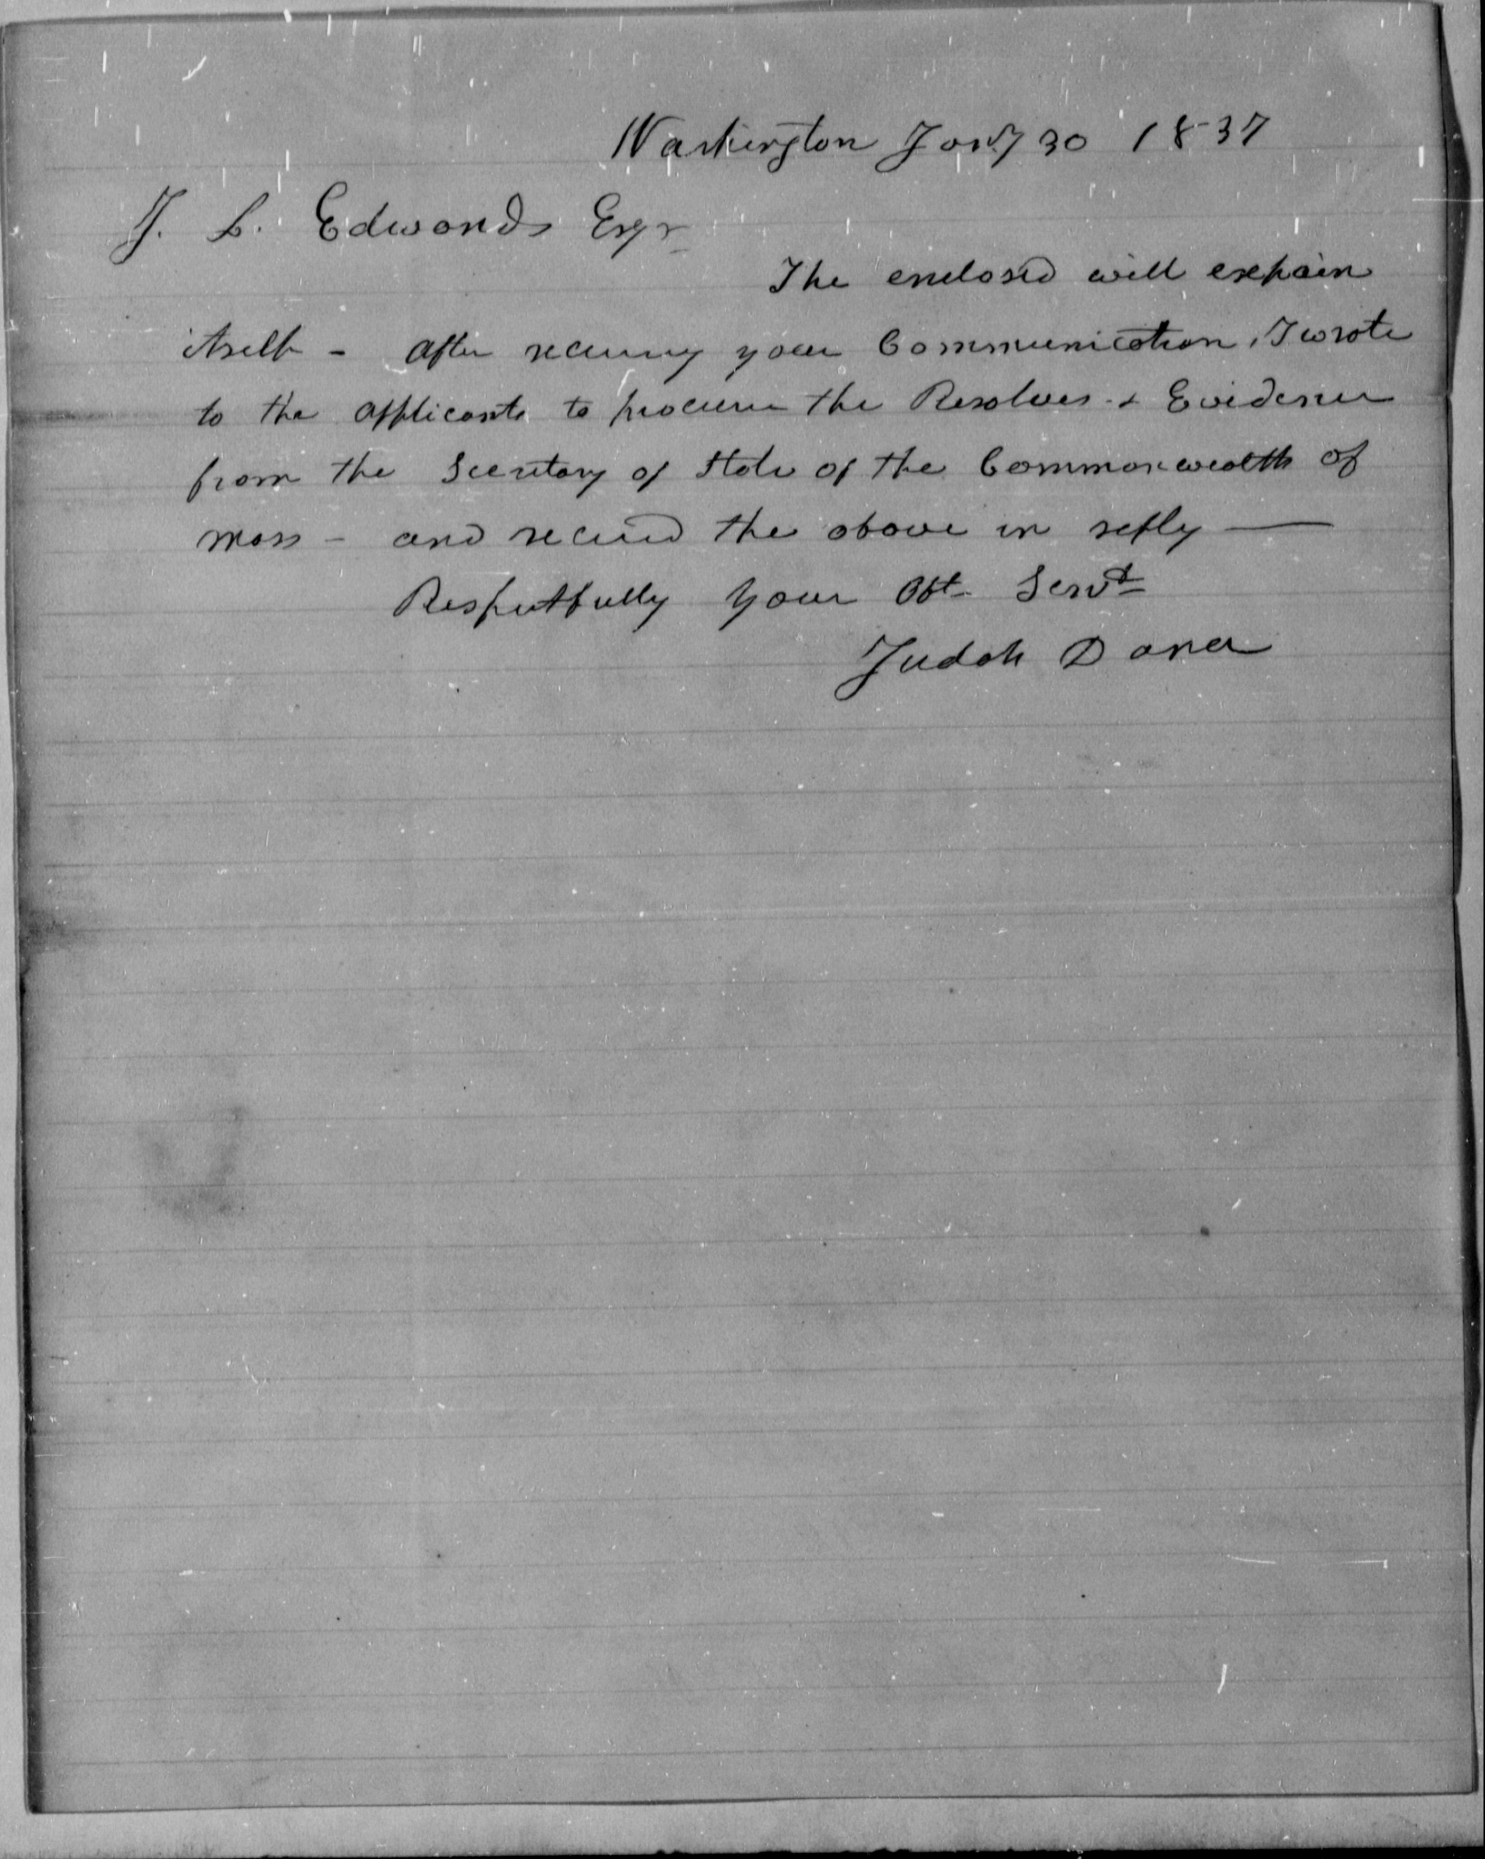Washington, Jan'y 30, 1837

J. L. Edwards, Esq.

The enclosed will explain Abbott - After receiving your communication, I wrote to the applicant to procure the Resolves + Evidence from the Secretary of State of the Commonwealth of Mass. - and received the above in reply -
Respectfully your obt. serv't

[SIGNED: Judah Dana]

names: Judah Dona, J L Edwards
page: 64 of 86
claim: survivor's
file: S 29,568, Isaac Abbot, Mass